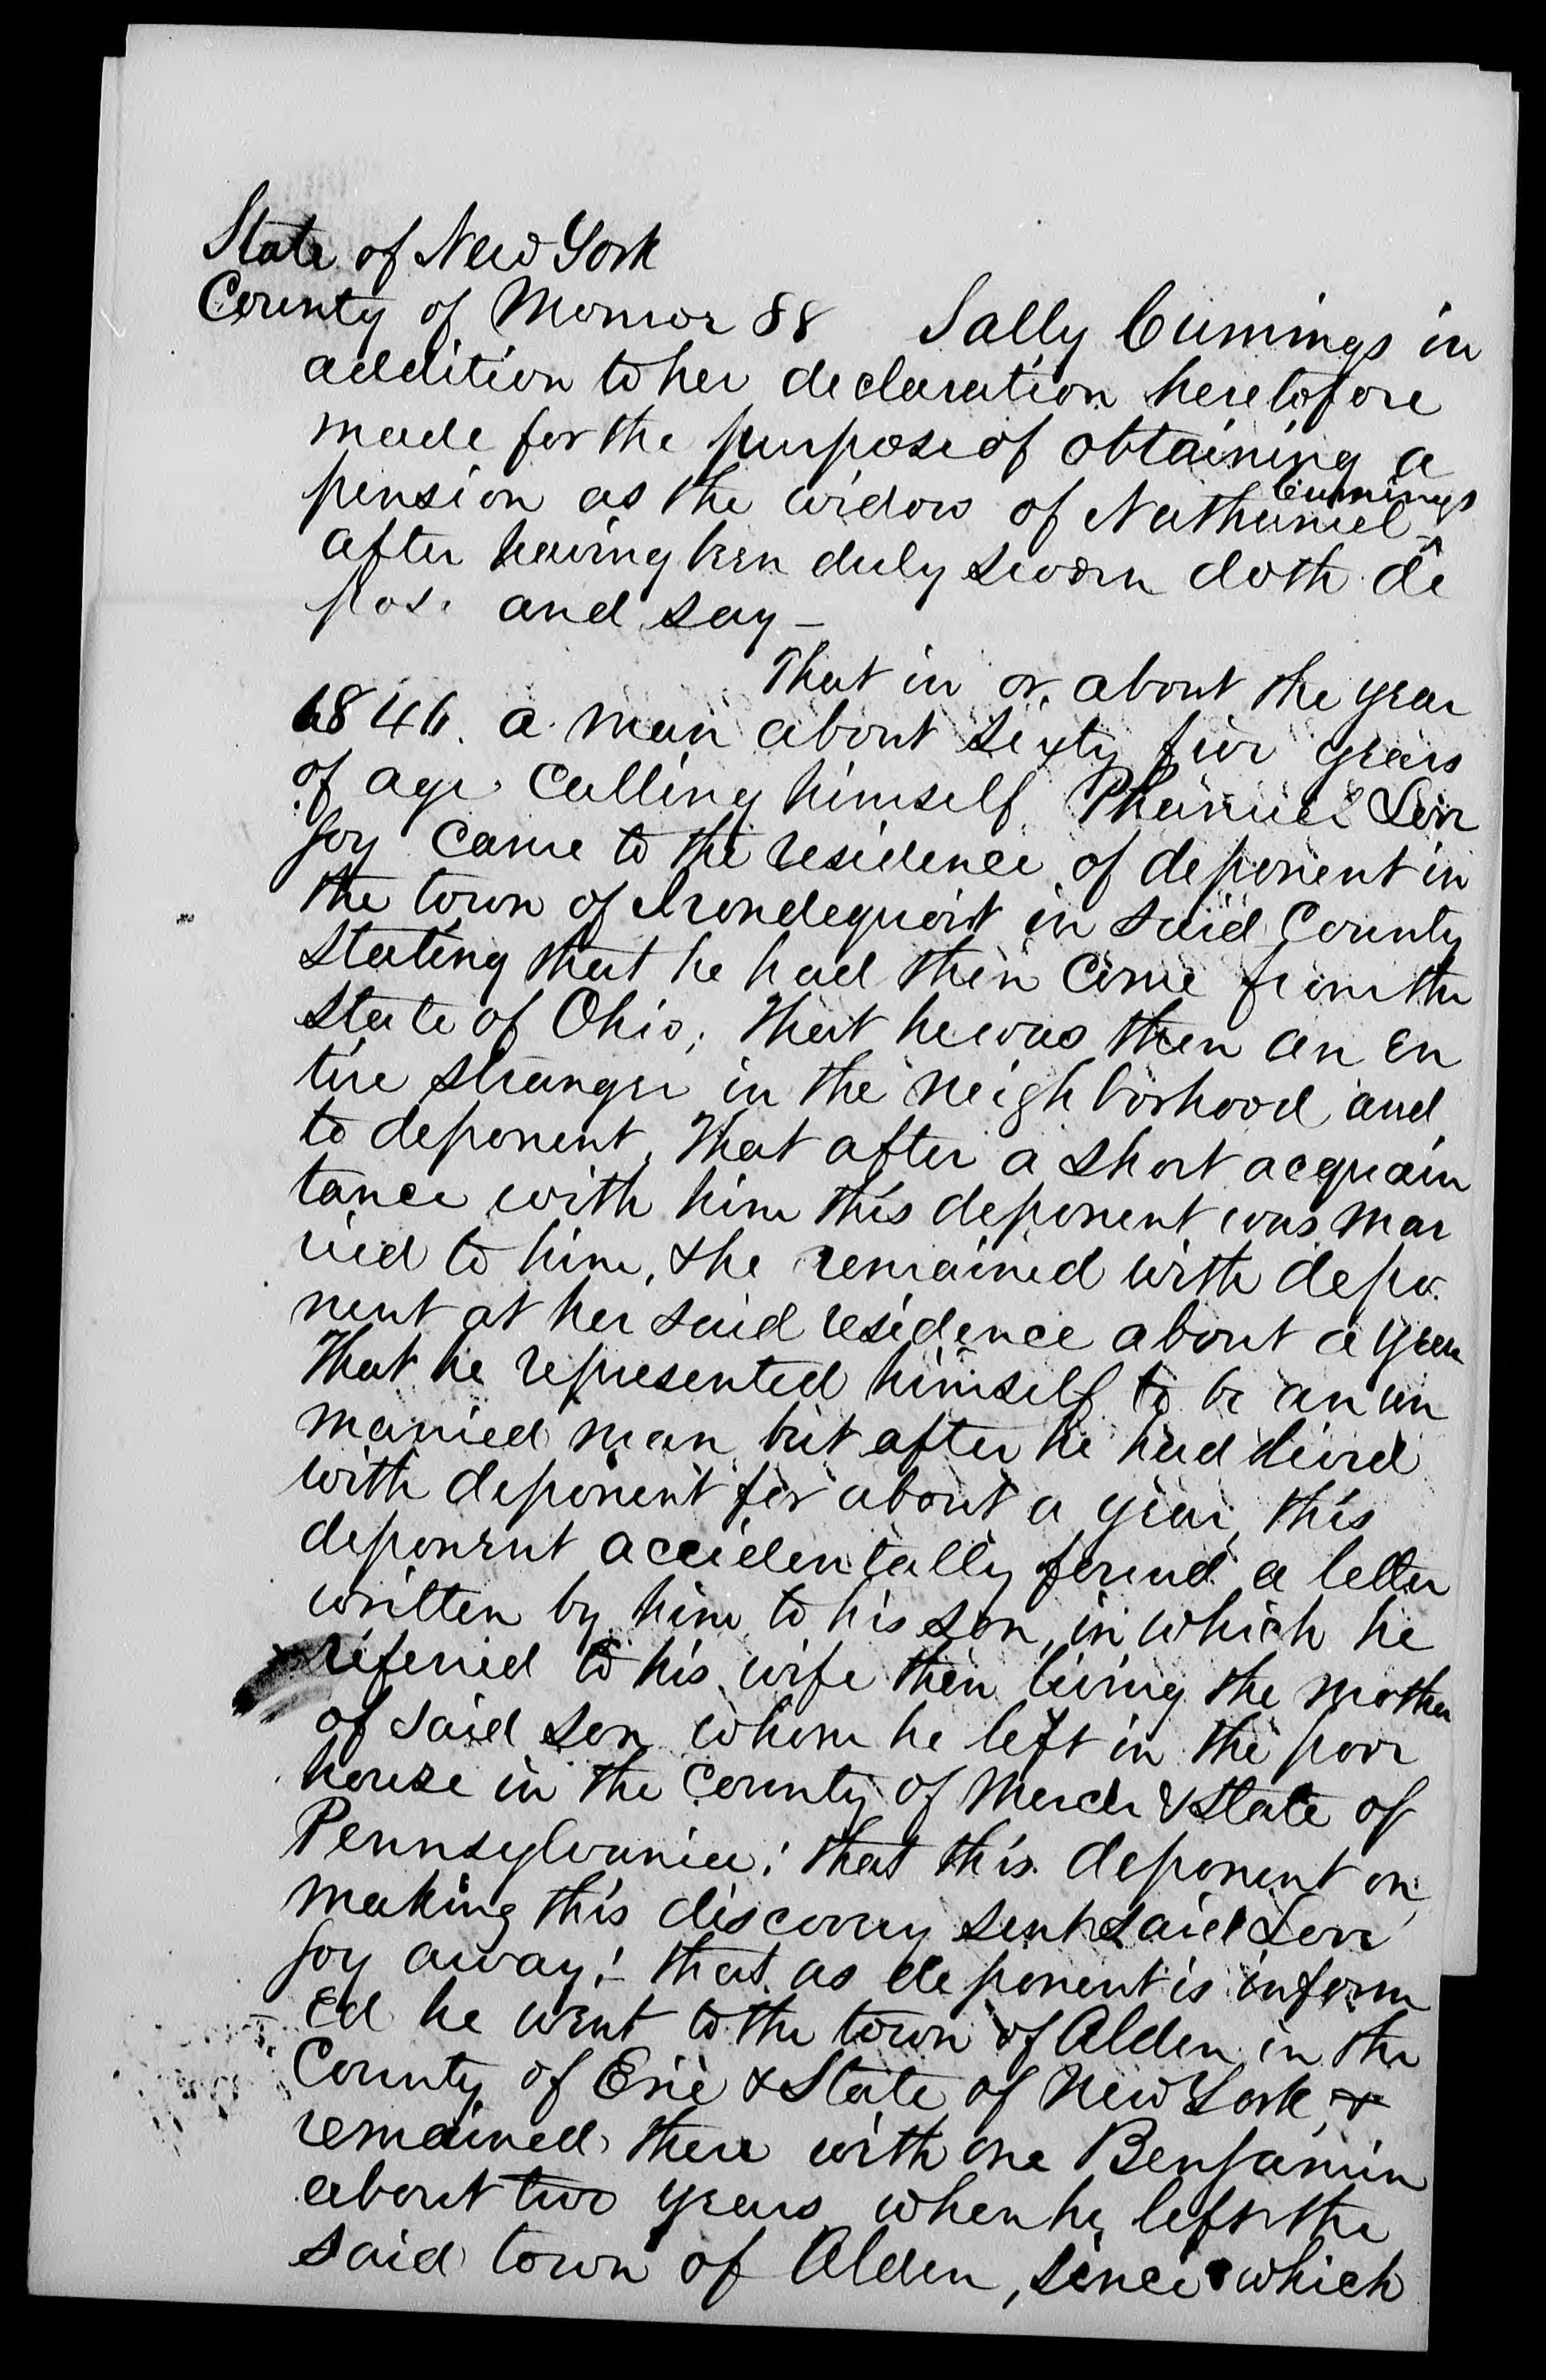State of New York
County of Monroe ss Sally Cumings in 
addition to her declaration heretofore
made for the purpose of obtaining a
pension as the widow of Nathaniel Cumings 
after having been duly sworn doth do
pos. and say ---
That in or about the year
1846. a man about sixty five years
of age calling himself Phanuel Love-
joy for came to the residence of deponent in
the town of Irondequoit in said County
stating that he had then come from the
State of Ohio; That he was then an en
tire stranger in the neighborhood and
to deponent, that after a short acquain
tance with him this deponent was mar
ried to him. The remained with depo
nent at her said residence about a year
That he represented himself to be an un
married man, but after he had lived
with deponent for about a year this
deponent accidentally found a letter
written by him to his son in which he
referred to his wife their living the mother
of said son whom he left in the poor
house in the County of Mercer & State of
Pennsylvania; that this deponent on
making this discovery sent said Love-
joy away: that as deponent is inform
ed he went to the town of Alden in the
County of Erie & State of New York & 
remained there with one Benjamin
about two years when he left the
said town of Alden, since which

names: Nathaniel Cumings, Sally Cumings, Benjamin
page: 11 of 41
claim: widow's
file: W. 9819, Nathaniel Cumings, Vt.